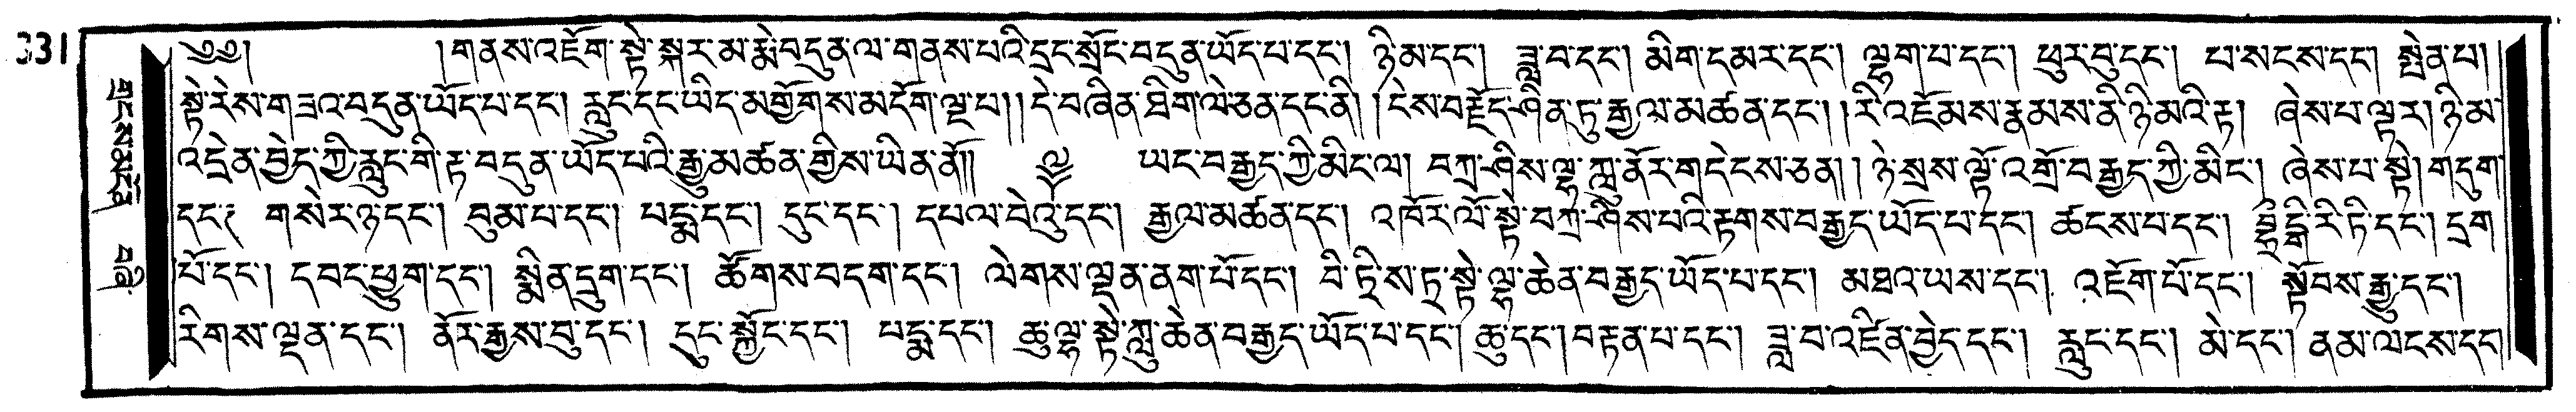༄༅། །གནས་འཇོག་སྟེ་སྐར་མ་རྨེ་བདུན་ལ་གནས་པའི་དྲང་སྲོང་བདུན་ཡོད་པ་དང་། ཉི་མ་དང་། ཟླ་བ་དང་། མིག་དམར་དང་། ལྷག་པ་དང་། ཕུར་བུ་དང་། པ་སངས་དང་། སྤེན་པ།
སྟེ་རེས་གཟའ་བདུན་ཡོད་པ་དང་། རླུང་དང་ཡིད་མགྱོགས་མདོག་ལྔ་པ། །དེ་བཞིན་ཐིག་ལེ་ཅན་དང་ནི། །ངེས་བརྗོད་ཤིན་ཏུ་རྒྱལ་མཚན་དང་། །རི་འཇོམས་རྣམས་ནི་ཉི་མའི་རྟ། ཞེས་པ་ལྟར། ཉི་མ་
འདྲེན་བྱེད་ཀྱི་རླུང་གི་རྟ་བདུན་ཡོད་པའི་རྒྱུ་མཚན་གྱིས་ཡིན་ནོ།། འ་ཡང་བརྒྱད་ཀྱི་མིང་ལ། བཀྲ་ཤིས་ལྷ་ཀླུ་ནོར་གདེངས་ཅན། །ཉེ་སྲས་ལྟོ་འགྲོ་བརྒྱད་ཀྱི་མིང་། ཞེས་པ་སྟེ། གདུག་
དང༑ གསེར་ཉ་དང་། བུམ་པ་དང་། པདམ་དང་། དུང་དང་། དཔལ་བེའུ་དང་། རྒྱལ་མཚན་དང་། འཁོར་ལོ་སྟེ་བཀྲ་ཤིས་པའི་རྟགས་བརྒྱད་ཡོད་པ་དང་། ཚངས་པ་དང་། བྷྲྀ་ངྒི་རི་ཏི་དང་། དྲག་
པོ་དང་། དབང་ཕྱུག་དང་། སྨིན་དྲུག་དང་། ཚོགས་བདག་དང་། ལེགས་ལྡན་ནག་པོ་དང་། བི་ཏྲི་ས་ཏྲ་སྟེ་ལྷ་ཆེན་བརྒྱད་ཡོད་པ་དང་། མཐའ་ཡས་དང་། འཇོག་པོ་དང་། སྟོབས་རྒྱུ་དང་།
རིགས་ལྡན་དང་། ནོར་རྒྱས་བུ་དང་། དུང་སྐྱོང་དང་། པདམ་དང་། ཆུ་ལྷ་སྟེ་ཀླུ་ཆེན་བརྒྱད་ཡོད་པ་དང་། ཆུ་དང་། བརྟན་པ་དང་། ཟླ་བ་འཛིན་བྱེད་དང་། རླུང་དང་། མེ་དང་། ནམ་ལངས་དང་།